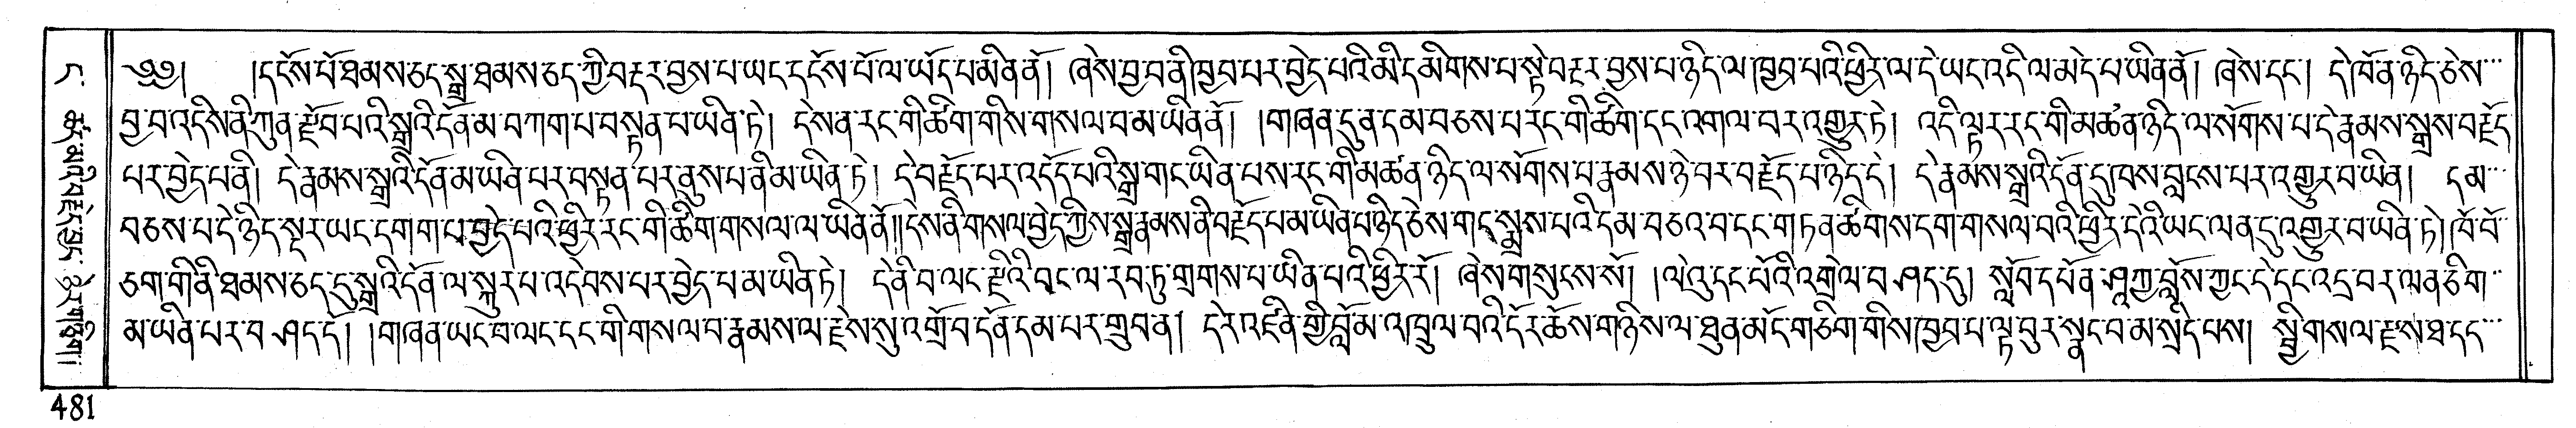༄༅། །དངོས་པོ་ཐམས་ཅད་སྒྲ་ཐམས་ཅད་ཀྱི་བརྡར་བྱས་པ་ཡང་དངོས་པོ་ལ་ཡོད་པ་མིན་ནོ། ཞེས་བྱ་བ་ནི་ཁྱབ་པར་བྱེད་པའི་མི་དམིགས་པ་སྟེ་བརྡར་བྱས་པ་ཉིད་ལ་ཁྱབ་པའི་ཕྱིར་ལ་དེ་ཡང་འདི་ལ་མེད་པ་ཡིན་ནོ། ཞེས་དང་། དེ་ཁོ་ན་ཉིད་ཅེས་
བྱ་བ་འདིས་ནི་ཀུན་རྫོབ་པའི་སྒྲའི་དོན་མ་བཀག་པ་བསྟན་པ་ཡིན་ཏེ། དེས་ན་རང་གི་ཚིག་གིས་གསལ་བ་མ་ཡིན་ནོ། །གཞན་དུ་ན་དམ་བཅས་པ་རང་གི་ཚིག་དང་འགལ་བར་འགྱུར་ཏེ། འདི་ལྟར་རང་གི་མཚན་ཉིད་ལ་སོགས་པ་དེ་རྣམས་སྒྲས་བརྗོད་
པར་བྱེད་པ་ནི། དེ་རྣམས་སྒྲའི་དོན་མ་ཡིན་པར་བསྟན་པར་ནུས་པ་ནི་མ་ཡིན་ཏེ། དེ་བརྗོད་པར་འདོད་པའི་སྒྲ་གང་ཡིན་པས་རང་གི་མཚན་ཉིད་ལ་སོགས་པ་རྣམས་ཉེ་བར་བརྗོད་པ་ཉིད་དེ། དེ་རྣམས་སྒྲའི་དོན་དུ་ཁས་བླངས་པར་འགྱུར་བ་ཡིན། དམ་
བཅས་པ་དེ་ཉིད་སྔར་ཡང་དགག་པ་བྱེད་པའི་ཕྱིར་རང་གི་ཚིག་གསལ་ལ་ཡིན་ནོ། །དེས་ནི་གསལ་བྱེད་ཀྱིས་སྒྲ་རྣམས་ནི་བརྗོད་པ་མ་ཡིན་པ་ཉིད་ཅེས་གང་སྨྲས་པའི་དམ་བཅའ་བ་དང་གཏན་ཚིགས་དག་གསལ་བའི་ཕྱིར་དེའི་ཡང་ལན་དུ་འགྱུར་བ་ཡིན་ཏེ། ཁོ་བོ་
ཅག་གི་ནི་ཐམས་ཅད་དུ་སྒྲའི་དོན་ལ་སྐུར་པ་འདེབས་པར་བྱེད་པ་མ་ཡིན་ཏེ། དེ་ནི་བ་ལང་རྫིའི་བར་ལ་རབ་ཏུ་གྲགས་པ་ཡིན་པའི་ཕྱིར་རོ། ཞེས་གསུངས་སོ། །ལེའུ་དང་པོའི་འགྲེལ་བཤད་དུ། སློབ་དཔོན་ཤཱཀྱ་བློས་ཀྱང་དེ་དང་འདྲ་བར་ལན་ཅིག་
མ་ཡིན་པར་བཤད་དོ། །གཞན་ཡང་བ་ལང་རང་གི་གསལ་བ་རྣམས་ལ་རྗེས་སུ་འགྲོ་བ་དོན་དམ་པར་གྲུབ་ན། དེར་འཛིན་གྱི་བློ་མ་འཁྲུལ་བའི་ངོར་ཆོས་གཉིས་ལ་ཐུན་མོང་གཅིག་གིས་ཁྱབ་པ་ལྟ་བུར་སྣང་བ་མི་སྲིད་པས། སྤྱི་གསལ་རྫས་ཐ་དད་